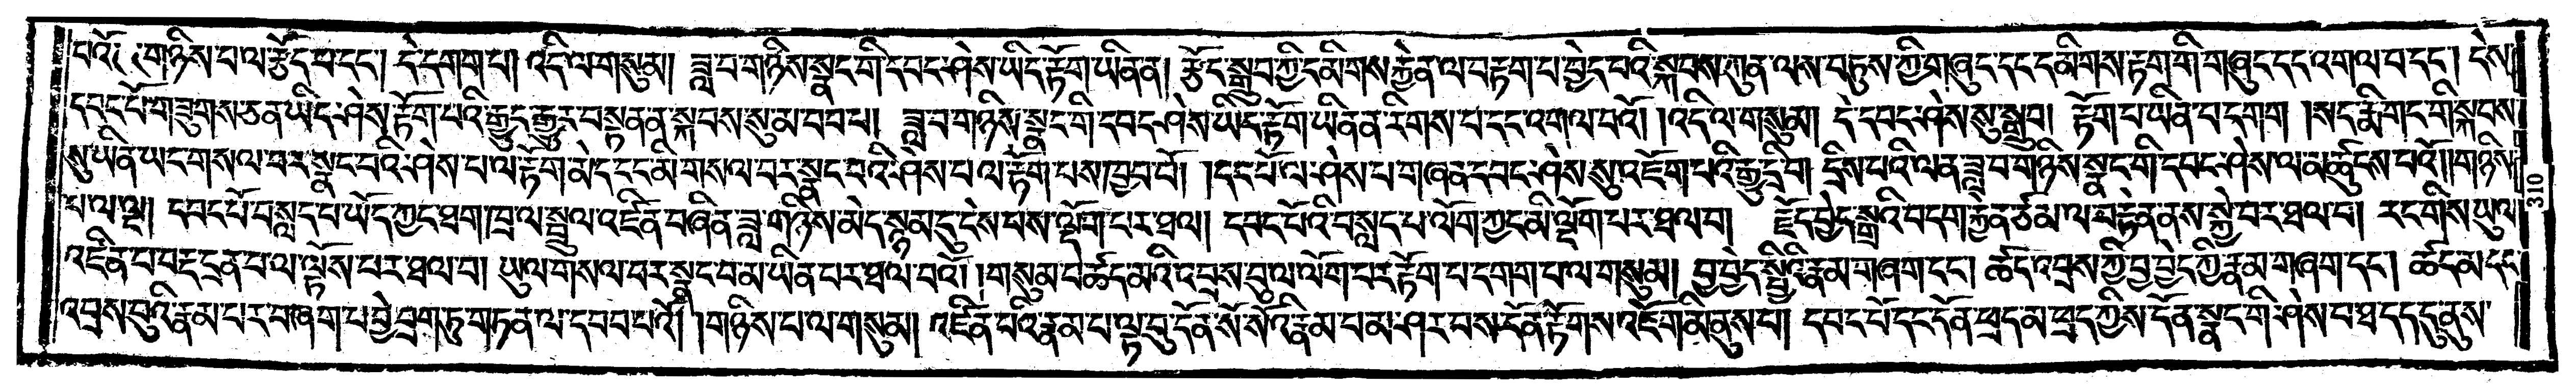པའོ། །གཉིས་པ་ལ་རྩོད་པ་དང་། དེ་དགག་པ། འདི་ལ་གསུམ། ཟླ་བ་གཉིས་སྣང་གི་དབང་ཤེས་ཡིད་རྟོག་ཡིན་ན། རྩོད་སྒྲུབ་ཀྱི་དམིགས་རྐྱེན་ལ་བརྟག་པ་བྱེད་པའི་སྐབས་ཀུན་ལས་བཏུས་ཀྱི་གཞུང་དང་དམིགས་རྟག་གི་གཞུང་དང་འགལ་བ་དང་། དེས་
དབང་པོ་གཟུགས་ཅན་ཡིད་ཤེས་རྟོག་པའི་རྒྱུད་རྒྱུར་བསྟན་ན་སྐབས་སུ་མ་བབ་པ། ཟླ་བ་གཉིས་སྣང་གི་དབང་ཤེས་ཡིད་རྟོག་ཡིན་ན་རིགས་པ་དང་འགལ་བའོ། །འདི་ལ་གསུམ། དེ་དབང་ཤེས་སུ་སྒྲུབ། རྟོག་པ་ཡིན་པ་དགག །སད་རྨི་གང་གི་སྐབས་
སུ་ཡིན་ཡང་གསལ་བར་སྣང་བའི་ཤེས་པ་ལ་རྟོག་མེད་དང་མི་གསལ་བར་སྣང་བའི་ཤེས་པ་ལ་རྟོག་པས་ཁྱབ་བོ། །དང་པོ་ལ་ཤེས་པ་གཞན་དབང་ཤེས་སུ་འཇོག་པའི་རྒྱུ་དྲི་བ། དྲིས་པའི་ལན་ཟླ་བ་གཉིས་སྣང་གི་དབང་ཤེས་ལ་མཚུངས་པའོ། །གཉིས་
པ་ལ་ལྔ། དབང་པོ་བསླད་པ་ཡོད་ཀྱང་ཐག་ཁྲ་ལ་སྦྲུལ་འཛིན་བཞིན་ཟླ་གཉིས་མེད་སྙམ་དུ་ངེས་པས་ལྡོག་པར་ཐལ། དབང་པོའི་བསླད་པ་ལོག་ཀྱང་མི་ལྡོག་པར་ཐལ་བ། རྗོད་བྱེད་སྒྲའི་བདག་རྐྱེན་ཙམ་ལ་བརྟེན་ནས་སྐྱེ་བར་ཐལ་བ། རང་གིས་ཡུལ་
འཛིན་པ་བརྡ་དྲན་པ་ལ་ལྟོས་པར་ཐལ་བ། ཡུལ་གསལ་བར་སྣང་བ་མ་ཡིན་པར་ཐལ་བའོ། །གསུམ་པ་ཚད་མའི་འབྲས་བུ་ལ་ལོག་པར་རྟོག་པ་དགག་པ་ལ་གསུམ། བྱ་བྱེད་སྤྱིའི་རྣམ་གཞག་དང་། ཚད་འབྲས་ཀྱི་བྱ་བྱེད་ཀྱི་རྣམ་གཞག་དང་། ཚད་མ་དང་
འབྲས་བུའི་རྣམ་པར་བཞག་པ་བྱེ་བྲག་ཏུ་གཏན་ལ་དབབ་པའོ། །གཉིས་པ་ལ་གསུམ། འཛིན་པའི་རྣམ་པ་ལྟ་བུ་དོན་སོ་སོའི་རྣམ་པ་མ་ཤར་བས་དོན་རྟོགས་འཇོག་མི་ནུས་པ། དབང་པོ་དང་དོན་ཕྲད་མ་ཕྲད་ཀྱིས་དོན་སྣང་གི་ཤེས་པ་ཐ་དད་དུ་ནུས་